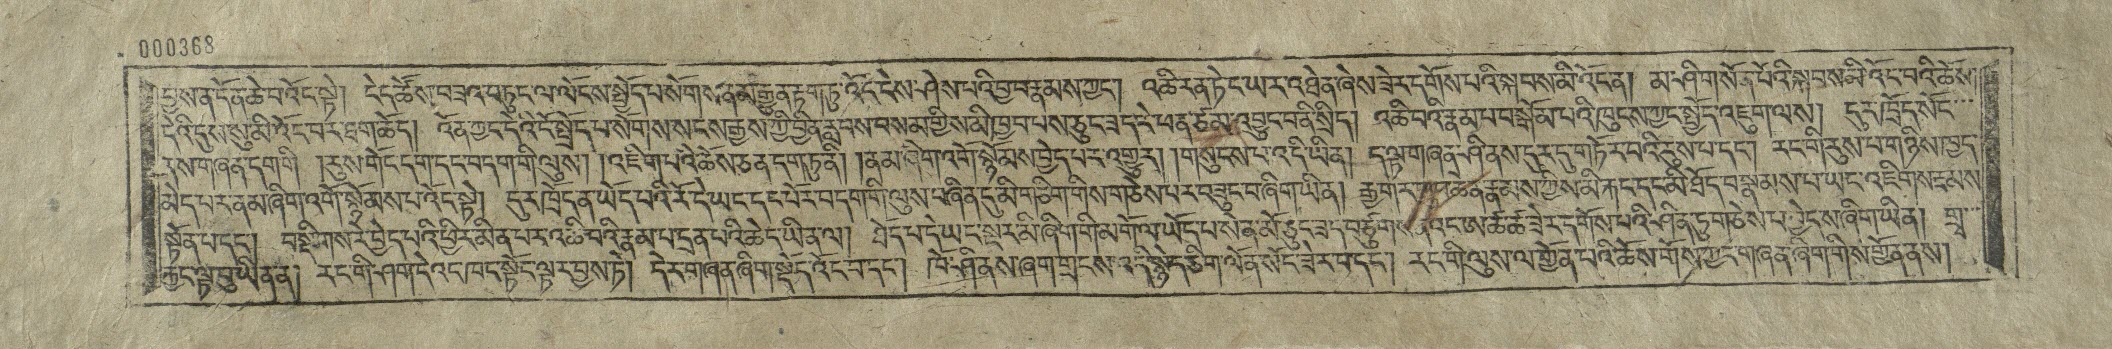བྱས་ན་དོན་ཆེ་བ་འོང་སྟེ། ངེད་ཚོས་བཟའ་བཏུང་ལ་ལོངས་སྤྱོད་པ་སོགས་ནམ་རྒྱུན་རྟག་ཏུ་འོང་ངེས་ཤེས་པའི་བྱ་བ་རྣམས་ཀྱང་། འཆི་རན་ཏེ་ང་ཡར་འཐེན་ཞེས་ཟེར་དགོས་པའི་སྐབས་མི་འོང་ན། མ་ཤི་གསོན་པོའི་སྐབས་མི་འོང་བའི་ཆོས།
དེའི་དུས་སུ་མི་འོང་བར་ཐག་ཆོད། འོན་ཀྱང་དེའི་ངོ་སྤྲོད་པ་སོགས་སངས་རྒྱས་ཀྱི་བྱིན་རླབས་བསམ་གྱིས་མི་ཁྱབ་པས་ཅུང་ཟད་རེ་ཕན་ཙམ་འབྱུང་བ་ནི་སྲིད། འཆི་བའི་རྣམ་པ་བསྒོམ་པའི་ཁུངས་ཀྱང་སྤྱོད་འཇུག་ལས། དུར་ཁྲོད་སོང་
ནས་གཞན་དག་གི །རུས་གོང་དག་དང་བདག་གི་ལུས། །འཇིག་པའི་ཆོས་ཅན་དག་ཏུ་ནི། །ནམ་ཞིག་འགོ་སྙོམས་བྱེད་པར་འགྱུར། །གསུངས་པ་འདི་ཡིན། ད་ལྟ་གཞན་ཤི་ནས་དུར་དུ་གཏོར་བའི་རུས་པ་དང་། རང་གི་རུས་པ་གཉིས་ཁྱད་
མེད་པར་ནམ་ཞིག་འགོ་སྙོམས་པ་འོང་སྟེ། དུར་ཁྲོད་ན་ཡོད་པའི་རོ་དེ་ཡང་དང་པོར་བདག་གི་ལུས་བཞིན་དུ་མི་གཅིག་གིས་གཅེས་པར་བཟུང་བ་ཞིག་ཡིན། རྒྱ་གར་གྲུབ་ཆེན་རྣམས་ཀྱིས་མི་རྐང་དང་མི་ཐོད་བསྣམས་པ་ཡང་འཇིགས་རྔམས་
སྟོན་པ་དང་། བསྡིགས་རེ་བྱེད་པའི་ཕྱིར་མིན་པར་འཆི་བའི་རྣམ་པ་དྲན་པའི་ཆེད་ཡིན་ལ། ཐོད་པ་དེ་ཡང་སྔར་མི་ཞིག་གི་མགོ་ལ་ཡོད་པ་སེན་མོ་ཅུང་ཟད་བཙུགས་ནའང་ཨ་ཚ་ཚ་ཟེར་དགོས་པའི་ཤིན་ཏུ་གཅེས་པ་བྱེད་ས་ཞིག་ཡིན། གྲྭ་
རྐྱང་ལྟ་བུ་ཡིན་ན། རང་གི་ཤག་དེའང་ཁང་སྟོང་ལྟར་བྱས་ཏེ། དེར་གཞན་ཞིག་སྡོད་འོང་བ་དང་། ཁོ་ཤི་ནས་ཞག་གྲངས་འདི་སྙེད་ཅིག་ལོན་སོང་ཟེར་བ་དང་། རང་གི་ལུས་ལ་གྱོན་པའི་ཆོས་གོས་ཀྱང་གཞན་ཞིག་གིས་གྱོན་ནས།